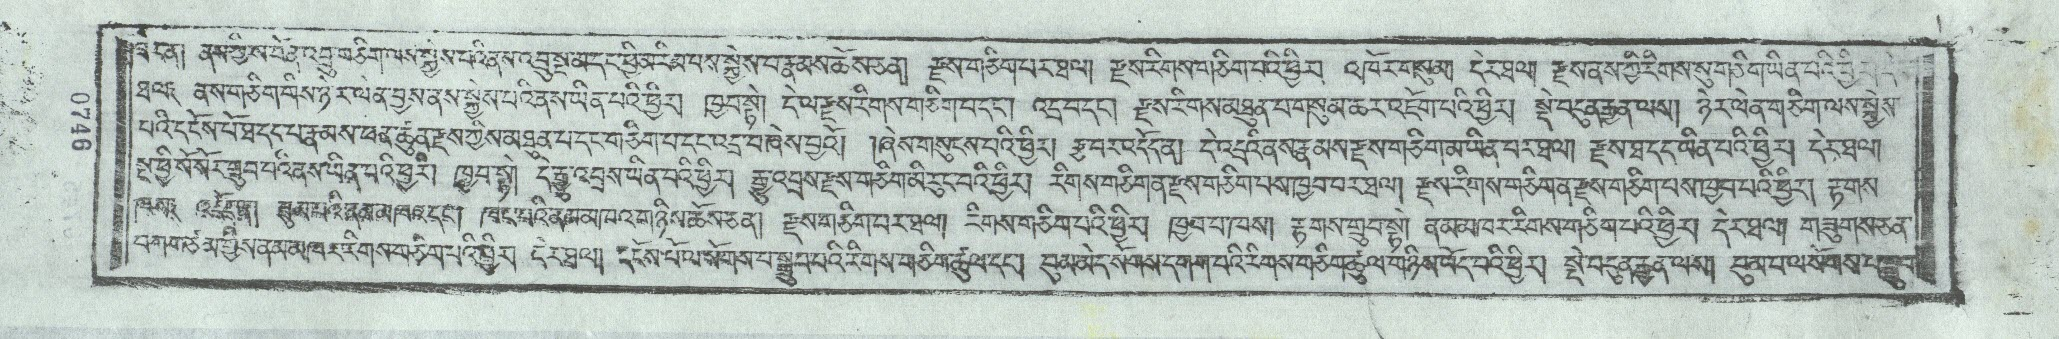ཟེར་ན། ནས་ཀྱི་ས་བོན་འབྲུ་གཅིག་ལས་སྐྱེས་པའི་ནས་འབྲུ་སྔ་མ་དང་ཕྱི་མ་རིམ་པས་སྐྱེས་པ་རྣམས་ཆོས་ཅན། རྫས་གཅིག་པར་ཐལ། རྫས་རིགས་གཅིག་པའི་ཕྱིར། འཁོར་གསུམ། དེར་ཐལ། རྫས་ནས་ཀྱི་རིགས་སུ་གཅིག་ཡིན་པའི་ཕྱིར། དེར་
ཐལ༑ ནས་གཅིག་གིས་ཉེར་ལེན་བྱས་ནས་སྐྱེས་པའི་ནས་ཡིན་པའི་ཕྱིར། ཁྱབ་སྟེ། དེ་ལ་རྫས་རིགས་གཅིག་པ་དང་། འདྲ་བ་དང་། རྫས་རིགས་མཐུན་པ་གསུམ་ཆར་འཇོག་པའི་ཕྱིར། སྡེ་བདུན་རྒྱན་ལས། ཉེར་ལེན་གཅིག་ལས་སྐྱེས་
པའི་དངོས་པོ་ཐ་དད་པ་རྣམས་ཕན་ཚུན་རྫས་ཀྱིས་མཐུན་པ་དང་གཅིག་པ་དང་འདྲ་བ་ཞེས་བྱའོ། །ཞེས་གསུངས་པའི་ཕྱིར། རྩ་བར་འདོད་ན། དེ་འདྲའི་ནས་རྣམས་རྫས་གཅིག་མ་ཡིན་པར་ཐལ། རྫས་ཐ་དད་ཡིན་པའི་ཕྱིར། དེར་ཐལ།
སྔ་ཕྱི་སོ་སོར་གྲུབ་པའི་ནས་ཡིན་པའི་ཕྱིར། ཁྱབ་སྟེ། དེ་རྒྱུ་འབྲས་ཡིན་པའི་ཕྱིར། རྒྱུ་འབྲས་རྫས་གཅིག་མི་རུང་བའི་ཕྱིར། རིགས་གཅིག་ན་རྫས་གཅིག་པས་ཁྱབ་པར་ཐལ། རྫས་རིགས་གཅིག་ན་རྫས་གཅིག་པས་ཁྱབ་པའི་ཕྱིར། རྟགས་
ཁས༑ འདོད་ན། བུམ་པའི་ནམ་མཁའ་དང་། ཁང་པའི་ནམ་མཁའ་གཉིས་ཆོས་ཅན། རྫས་གཅིག་པར་ཐལ། རིགས་གཅིག་པའི་ཕྱིར། ཁྱབ་པ་ཁས། རྟགས་གྲུབ་སྟེ། ནམ་མཁར་རིགས་གཅིག་པའི་ཕྱིར། དེར་ཐལ། གཟུགས་ཅན་
བཀག་ཙམ་གྱིས་ནམ་མཁར་རིགས་གཅིག་པའི་ཕྱིར། དེར་ཐལ། དངོས་པོ་ལ་སོགས་བསྒྲུབ་པའི་རིགས་གཅིག་ཚུལ་དང་། བུམ་མེད་སོགས་དགག་པའི་རིགས་གཅིག་ཚུལ་གཉིས་ཡོད་པའི་ཕྱིར། སྡེ་བདུན་རྒྱན་ལས། བུམ་པ་ལ་སོགས་པ་སྒྲུབ་